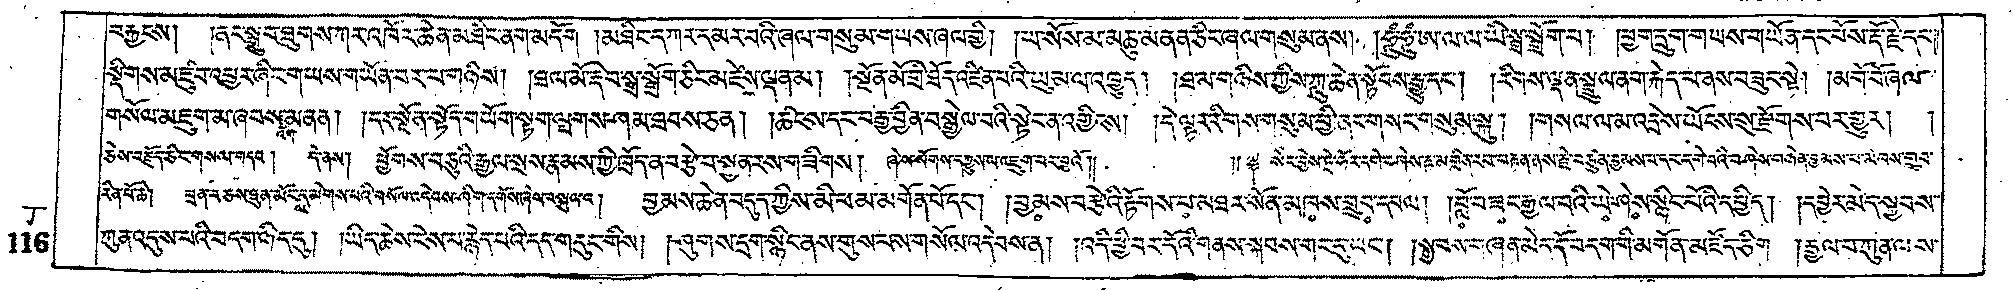བརྐྱངས། །ནང་སྒྲུབ་ཐུགས་ཀར་འཁོར་ཆེན་མཐིང་ནག་མདོག །མཐིང་དཀར་དམར་བའི་ཞལ་གསུམ་གཡས་ཞལ་གྱི། །ཡ་སོས་མ་མཆུ་མནན་ཅིང་ཞལ་གསུམ་ནས། །ཧཱུཾ་ཧཱུཾ་ཨ་ལ་ལ་ཡི་སྒྲ་སྒྲོག་པ། །ཕྱག་དྲུག་གཡས་གཡོན་དང་པོས་རྡོ་རྗེ་དང།།
སྡིགས་མཛུབ་འཕྱར་ཞིང་གཡས་གཡོན་བར་པ་གཉིས། །ཐལ་མོ་རྡེབ་སྒྲ་སྒྲོག་ཅིང་མཛེས་ལྡན་མ། །སྔོན་མོ་གྲི་ཐོད་འཛིན་པའི་ཡུམ་ལ་འཁྱུད། །ཐ་མ་གཉིས་ཀྱིས་ཀླུ་ཆེན་སྟོབས་རྒྱུ་དང་། །རིགས་ལྡན་སྦྲུལ་ནག་རྐེད་པ་ནས་བཟུང་སྟེ། །མགོ་བོ་ཞལ་
གསོལ་མཇུག་མ་ཞབས་འོག་མནན། །དར་སྔོན་སྟོད་གཡོག་སྟག་ལྤགས་ཤམ་ཐབས་ཅན། །ཚངས་དང་བརྒྱ་བྱིན་བསྒྱེལ་བའི་སྟེང་ན་འགྱིངས། །དེ་ལྟར་རིགས་གསུམ་ཕྱི་ནང་གསང་གསུམ་སྐུ། །གསལ་ལ་མ་འདྲེས་ཡོངས་སུ་རྫོགས་པར་གྱུར། །
ཅེས་བརྗོད་ཅིང་གསལ་གདབ། དེ་ནས།  ཕྱོགས་བཅུའི་རྒྱལ་སྲས་རྣམས་ཀྱི་ཁྲོད་ན་བརྩེ་བ་སྤྱན་རས་གཟིགས། ཞེས་སོགས་དཀྱུས་ལ་འཇུག་པར་བྱའོ།། །།འྶེར་བྱེས་ཏྲེ་ཧོར་དགེ་བཤེས་རྟ་མགྲིན་རབ་བརྟན་ནས་རྗེ་བཙུན་བྱམས་པ་དང་དགེ་བའི་བཤེས་གཉེན་བྱམས་པ་མཁས་གྲུབ་
རིན་པོ་ཆེ། ཕྲན་བཅས་ཐུན་མོང་ལ་དམིགས་པའི་གསོལ་འདེབས་ཤིག་དགོས་ཞེས་བསྐུལ་བ། བྱམས་ཆེན་བདུད་ཀྱིས་མི་ཕམ་མགོན་པོ་དང་། །བྱམས྾་བརྩེའི་རྟོགས་པ྾་མཐར་སོན་མཁས྾་གྲུབ྾་དཔལ། །བློ྾་བཟྣག྾་རྒྱལ་བའི་ཡེ྾་ཤེས྾་སྙིང་པོའི་དཔྱིད། །དབྱེར་མེད་སྐྱབས་་་
ཀུན་འདུས་པའི་བདག་ཉིད་དུ། །ཡིད་ཆེས་ངེས་པ་རྙེད་པའི་དད་གདུང་གིས། །ཤུགས་དྲག་སྙིང་ནས་གུས་པས་གསོལ་འདེབས་ན། །འདི་ཕྱི་བར་དོའི་གནས་སྐབས་གང་དུ་ཡང་། །སྐྱབས་གཞན་མེད་དོ་བདག་གི་མགོན་མཛོད་ཅིག །རྒྱལ་བ་ཀུན་ལས་